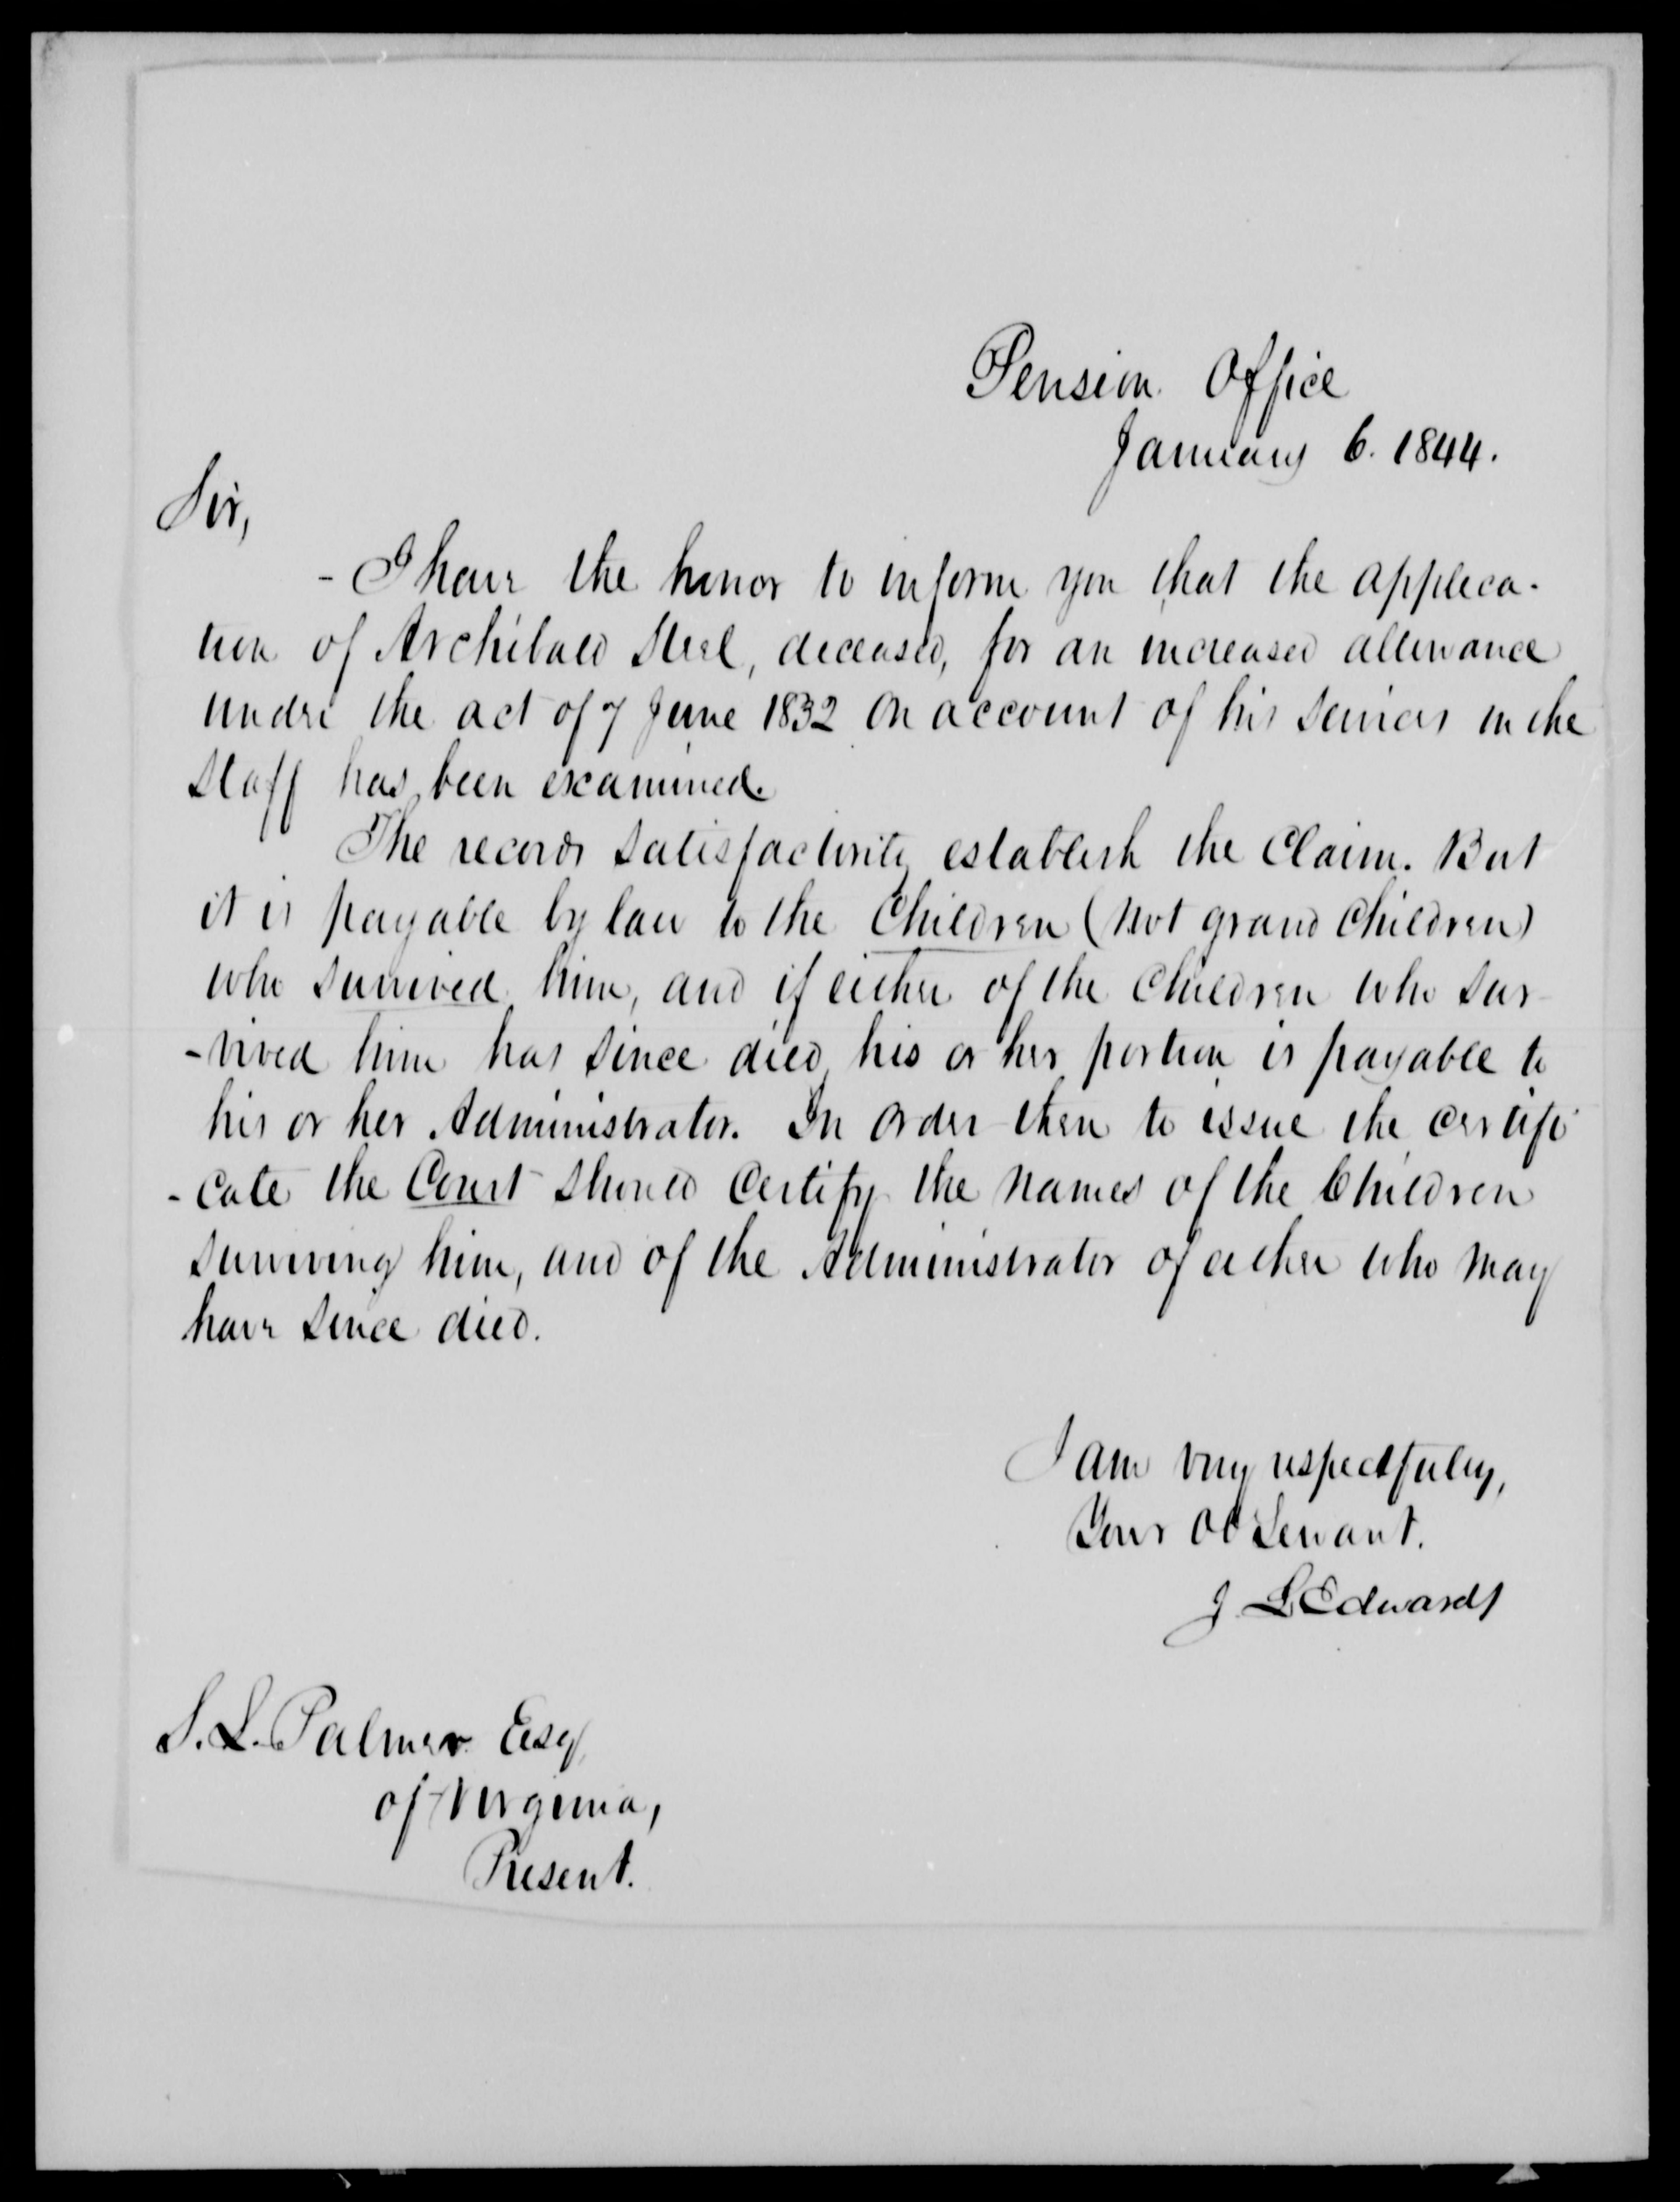Pension Office
January 6, 1844

Sir,

I have the honor to inform you that the application of Archibald Steel, deceased, for an increased allowance under the Act of 7 June 1832 on account of his services in the staff has been examined.

The records satisfactorily establish the claim.  But it is payable by law to the children (not grandchildren) who survived him, and if either of the children who survivied him has since died, his or her portion is payable to his or her administrator.  In order then to issue the certificate, the Court shoudl certify the names of the children surviving him, and of the Administrator of either who may have since died.

I am very respectfully, your obedient servant,
J L Edwards

S L Palmer, Esq
of Virginia
Present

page: 27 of 28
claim: survivor's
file: S. 7601, for Archibald Steel, Pennsylvania